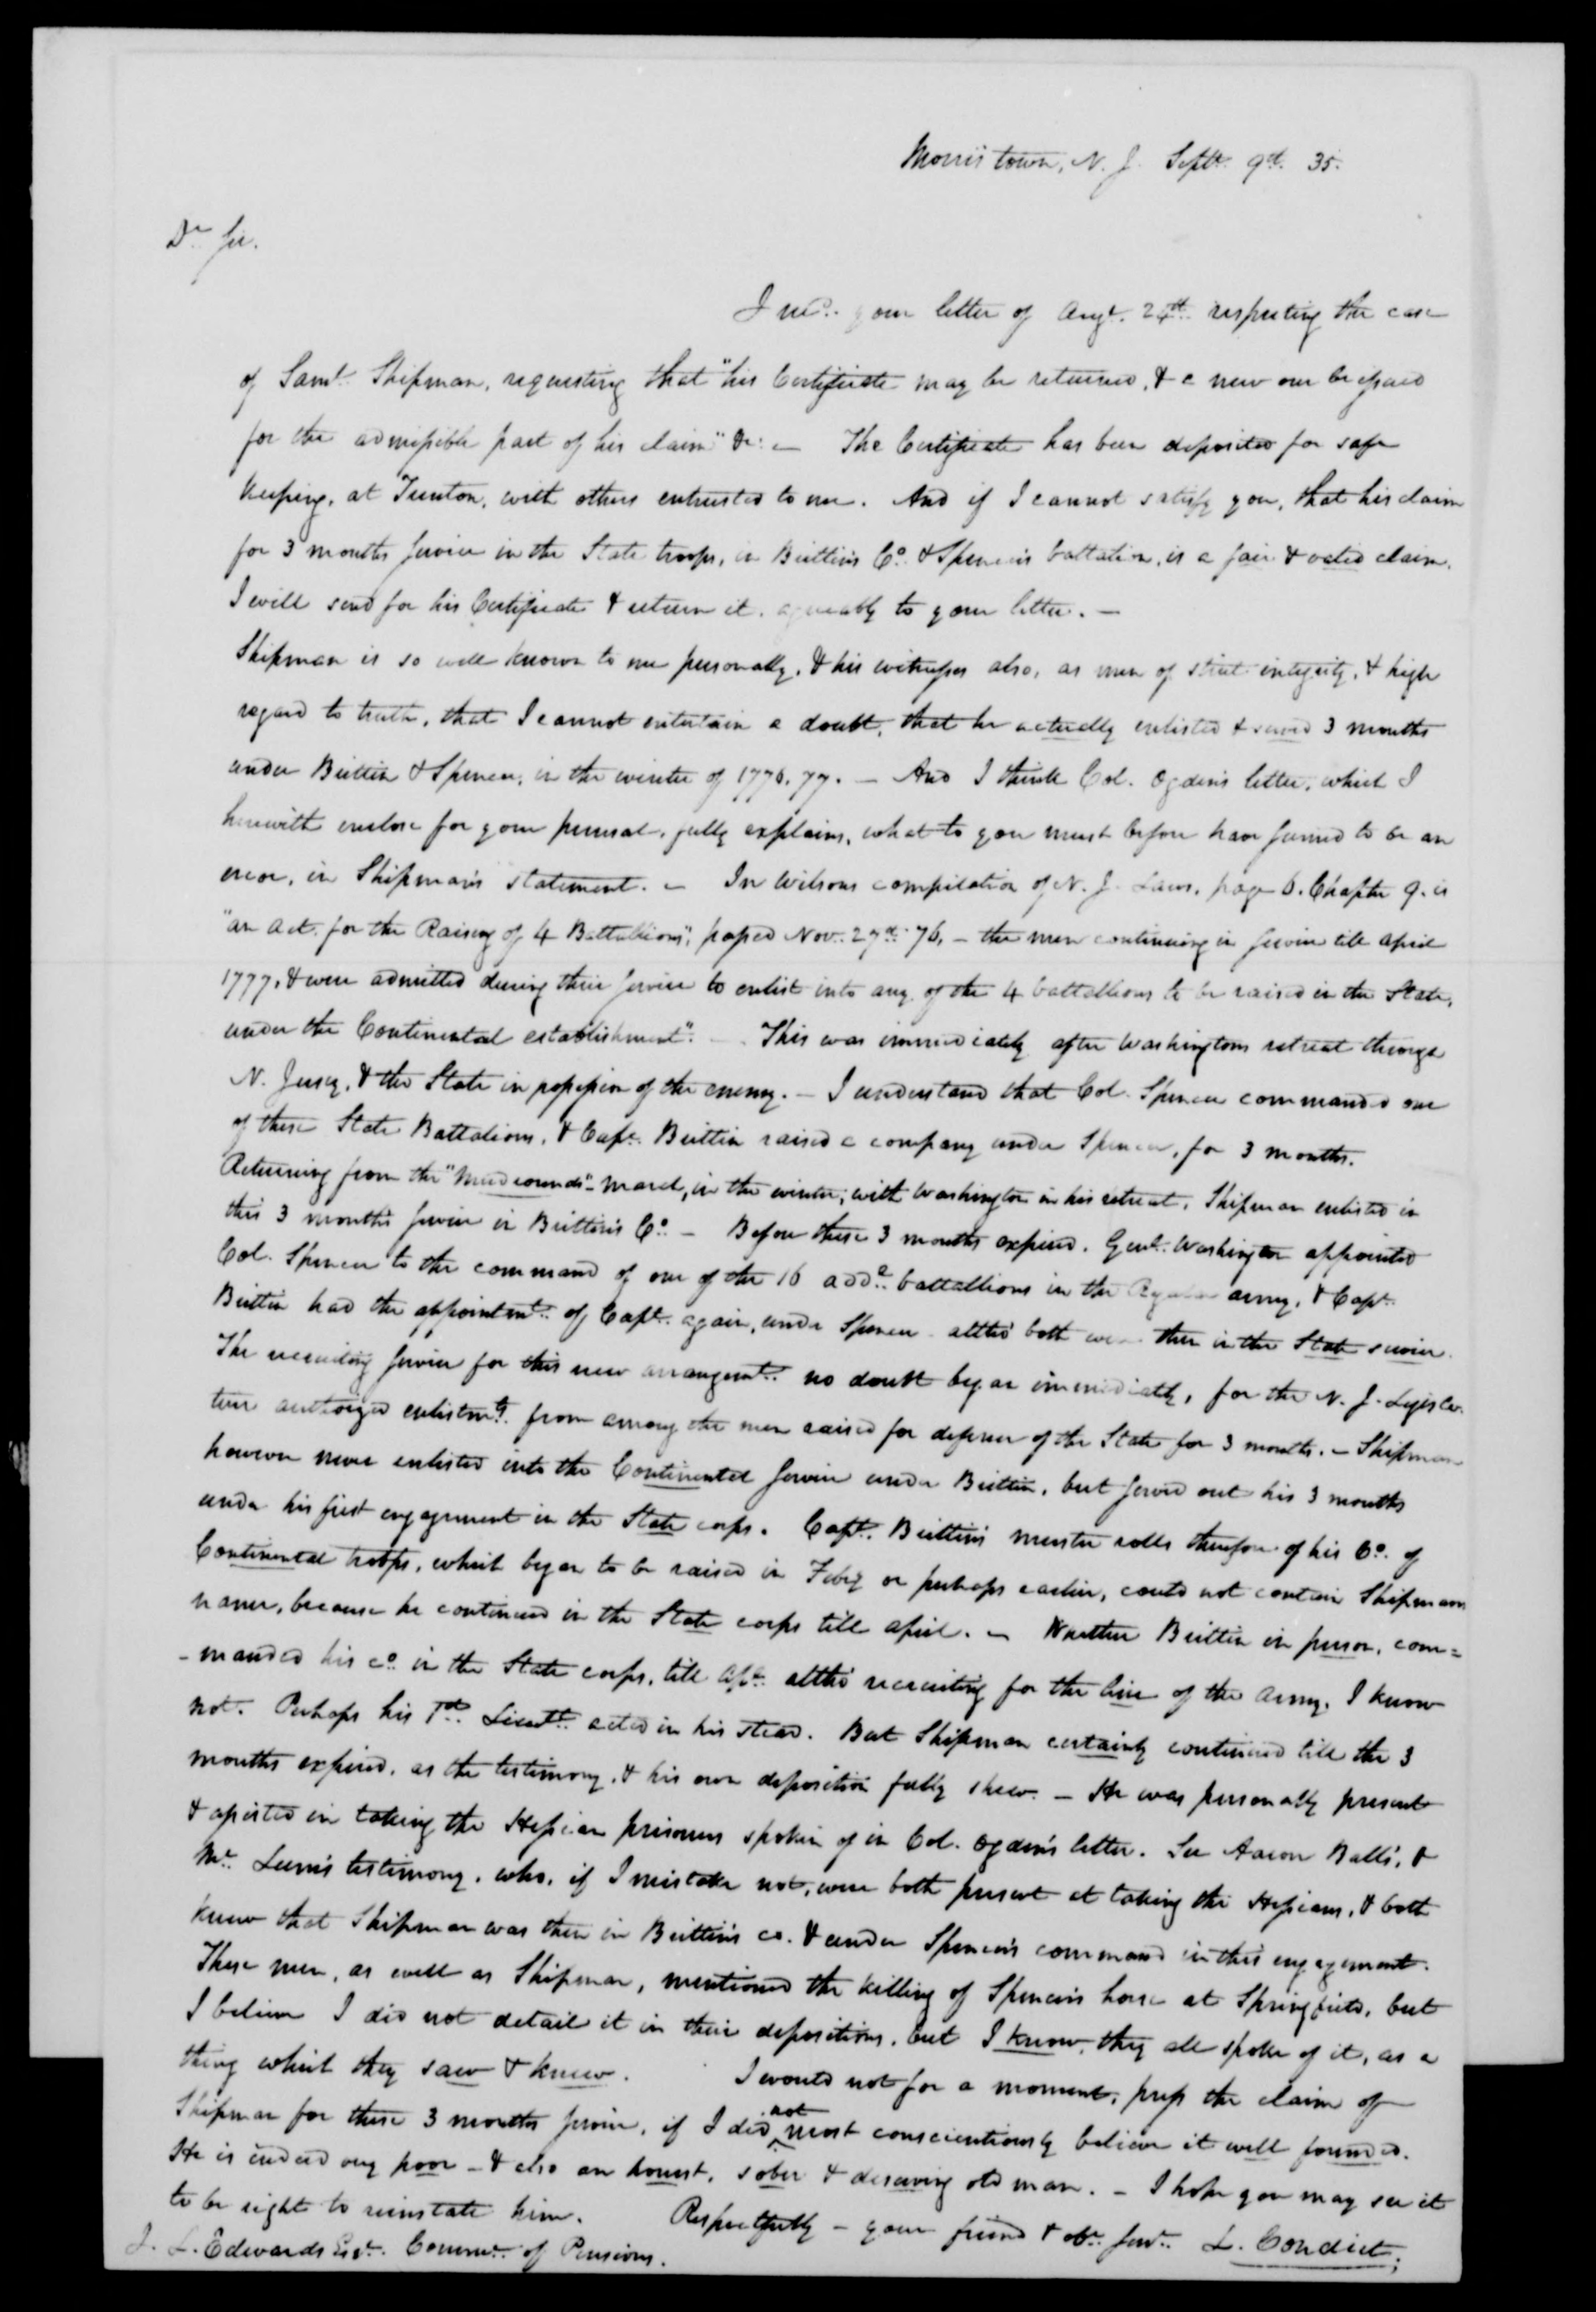Morris town, N.J. Sept 9th 35

Dr Sir,

I recd. your letter of Augt 24th respecting the case of Saml. Shipman, requesting that his certificate may be returned. & new one be issued for the admissible part of his claim &c. The Certificate has been deposited for safe
keeping, at Trenton, with others entrusted to me. And if I cannot satisfy you, that his claim
for 3 months service in the State troops, in Britton's Co. & Spencers battalion, is a fair & valid claim I will send for his Certificate & return it agreeably to your letter.

Shipman is so well known to me personally, & his witnesses also, as men of strict integrity, & high regard to truth, that I cannot entertain a doubt, that he actually enlisted & served 3 months under Britton & Spencer, in the winter of 1776, 77. And I think Col. Ogden's letter, which I herewith enclose for your perusal, fully explains what to you must before have seemed to be an error in Shipman's statement.- In Wilsons compilation of N.J. Laws page 6, Chapter 9, is "an act for the Raising of 4 Battalions", passed Nov. 27th '76-- the men continuing in service till April 1777, & were admitted during their service to enlist into any of the 4 battalions to be raised in the State,
under the continental establishment". This was immediately after Washingtons retreat through
N. Jersey, & the State in possession of the enemy. I understand that Col. Spencer commanded one of the State Battalions, & Capt. Britton raised a company under Spencer for 3 months, returning from the "Mudrounds" march, in the winter, with Washington in his retreat. Shipman enlisted this 3 months service in Britton' Co.s - Before these 3 months expired, Genl. Washington appointed Col. Spencer to the command of one of the 16 addl.  battalions in the Regular army, & Capt. Britton had the appointment of Capt again, under Spencer - altho' both were then in the State service.  The recruiting service for this new arrangement no doubt began immediately, for the N. J. Legislature authorized enlist ment from among the men raised for defence of the State for 3 months. Shipman however never enlisted into the Continental service under Britton, but served out his 3 months under his first engagement in the State corps. Capt Britton's  muster rolls therefore of his Co. of Continental troops, which began to be raised in Feby or perhaps earlier, could not contain Shipman's 
name, because he continued in the State corps till April.-- Whether Britton in person, commanded his co. in the State corps till Apl. altho' recruiting for the line of the Army, I
not. Perhaps his 1st Lieut acted in his stead. But Shipman certainly continued till the 3 months expired, as the testimony & his own deposition fully shew - He was personally present & assisted in taking the Hessian prisoners spoken of in Col. Ogden's letter. See Aaron Ball's & 
Mr. Lunn's testimony, who, if I mistake not, were both present at taking the Hessians, & both know that Shipman was there in Britton's Co. & under Spencers command in this engagement.
These men, as well as Shipman, mentioned the killing of Spencers horse at Springfield, but
I believe I did not detail it in their depositions, but I know, they all spoke of it, as a thing which they saw & knew.  I would not for a moment, press the claim of Shipman for these 3 months service if I did not most conscientiously believe it well founded.   He is indeed very poor & so an honest, sober & deserving old man. I hope you may see it to be right to reinstate him.

Respectfully, your friend & obt. Servt.  
L. Condict

J.L. Edwards Esqr.  Commr. of Pensions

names: [BLANK] Washington; [BLANK] Shipman; [BLANK] Spencer; [BLANK] Spencer; [BLANK] Spencer; [BLANK] Shipman; [BLANK] Spencer; [BLANK] Brittin; [BLANK] Ogden; [BLANK] Ogden; [BLANK] Ogden; [BLANK] Spencer; Aaron Ball; [BLANK] Brittin; [BLANK] Spencer; [BLANK] Spencer; Saml Shipman; J L Edwards; [BLANK] Brittin; L Condict; [BLANK] Shipman; [BLANK] Mc Lunis; [BLANK] Brittin; [BLANK] Brittin; [BLANK] Shipman; [BLANK] Shipman; [BLANK] Shipman; [BLANK] Shipman; [BLANK] Shipman; [BLANK] Brittin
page: 31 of 44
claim: survivor's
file: S. 912, for Samuel Shipman, New Jersey